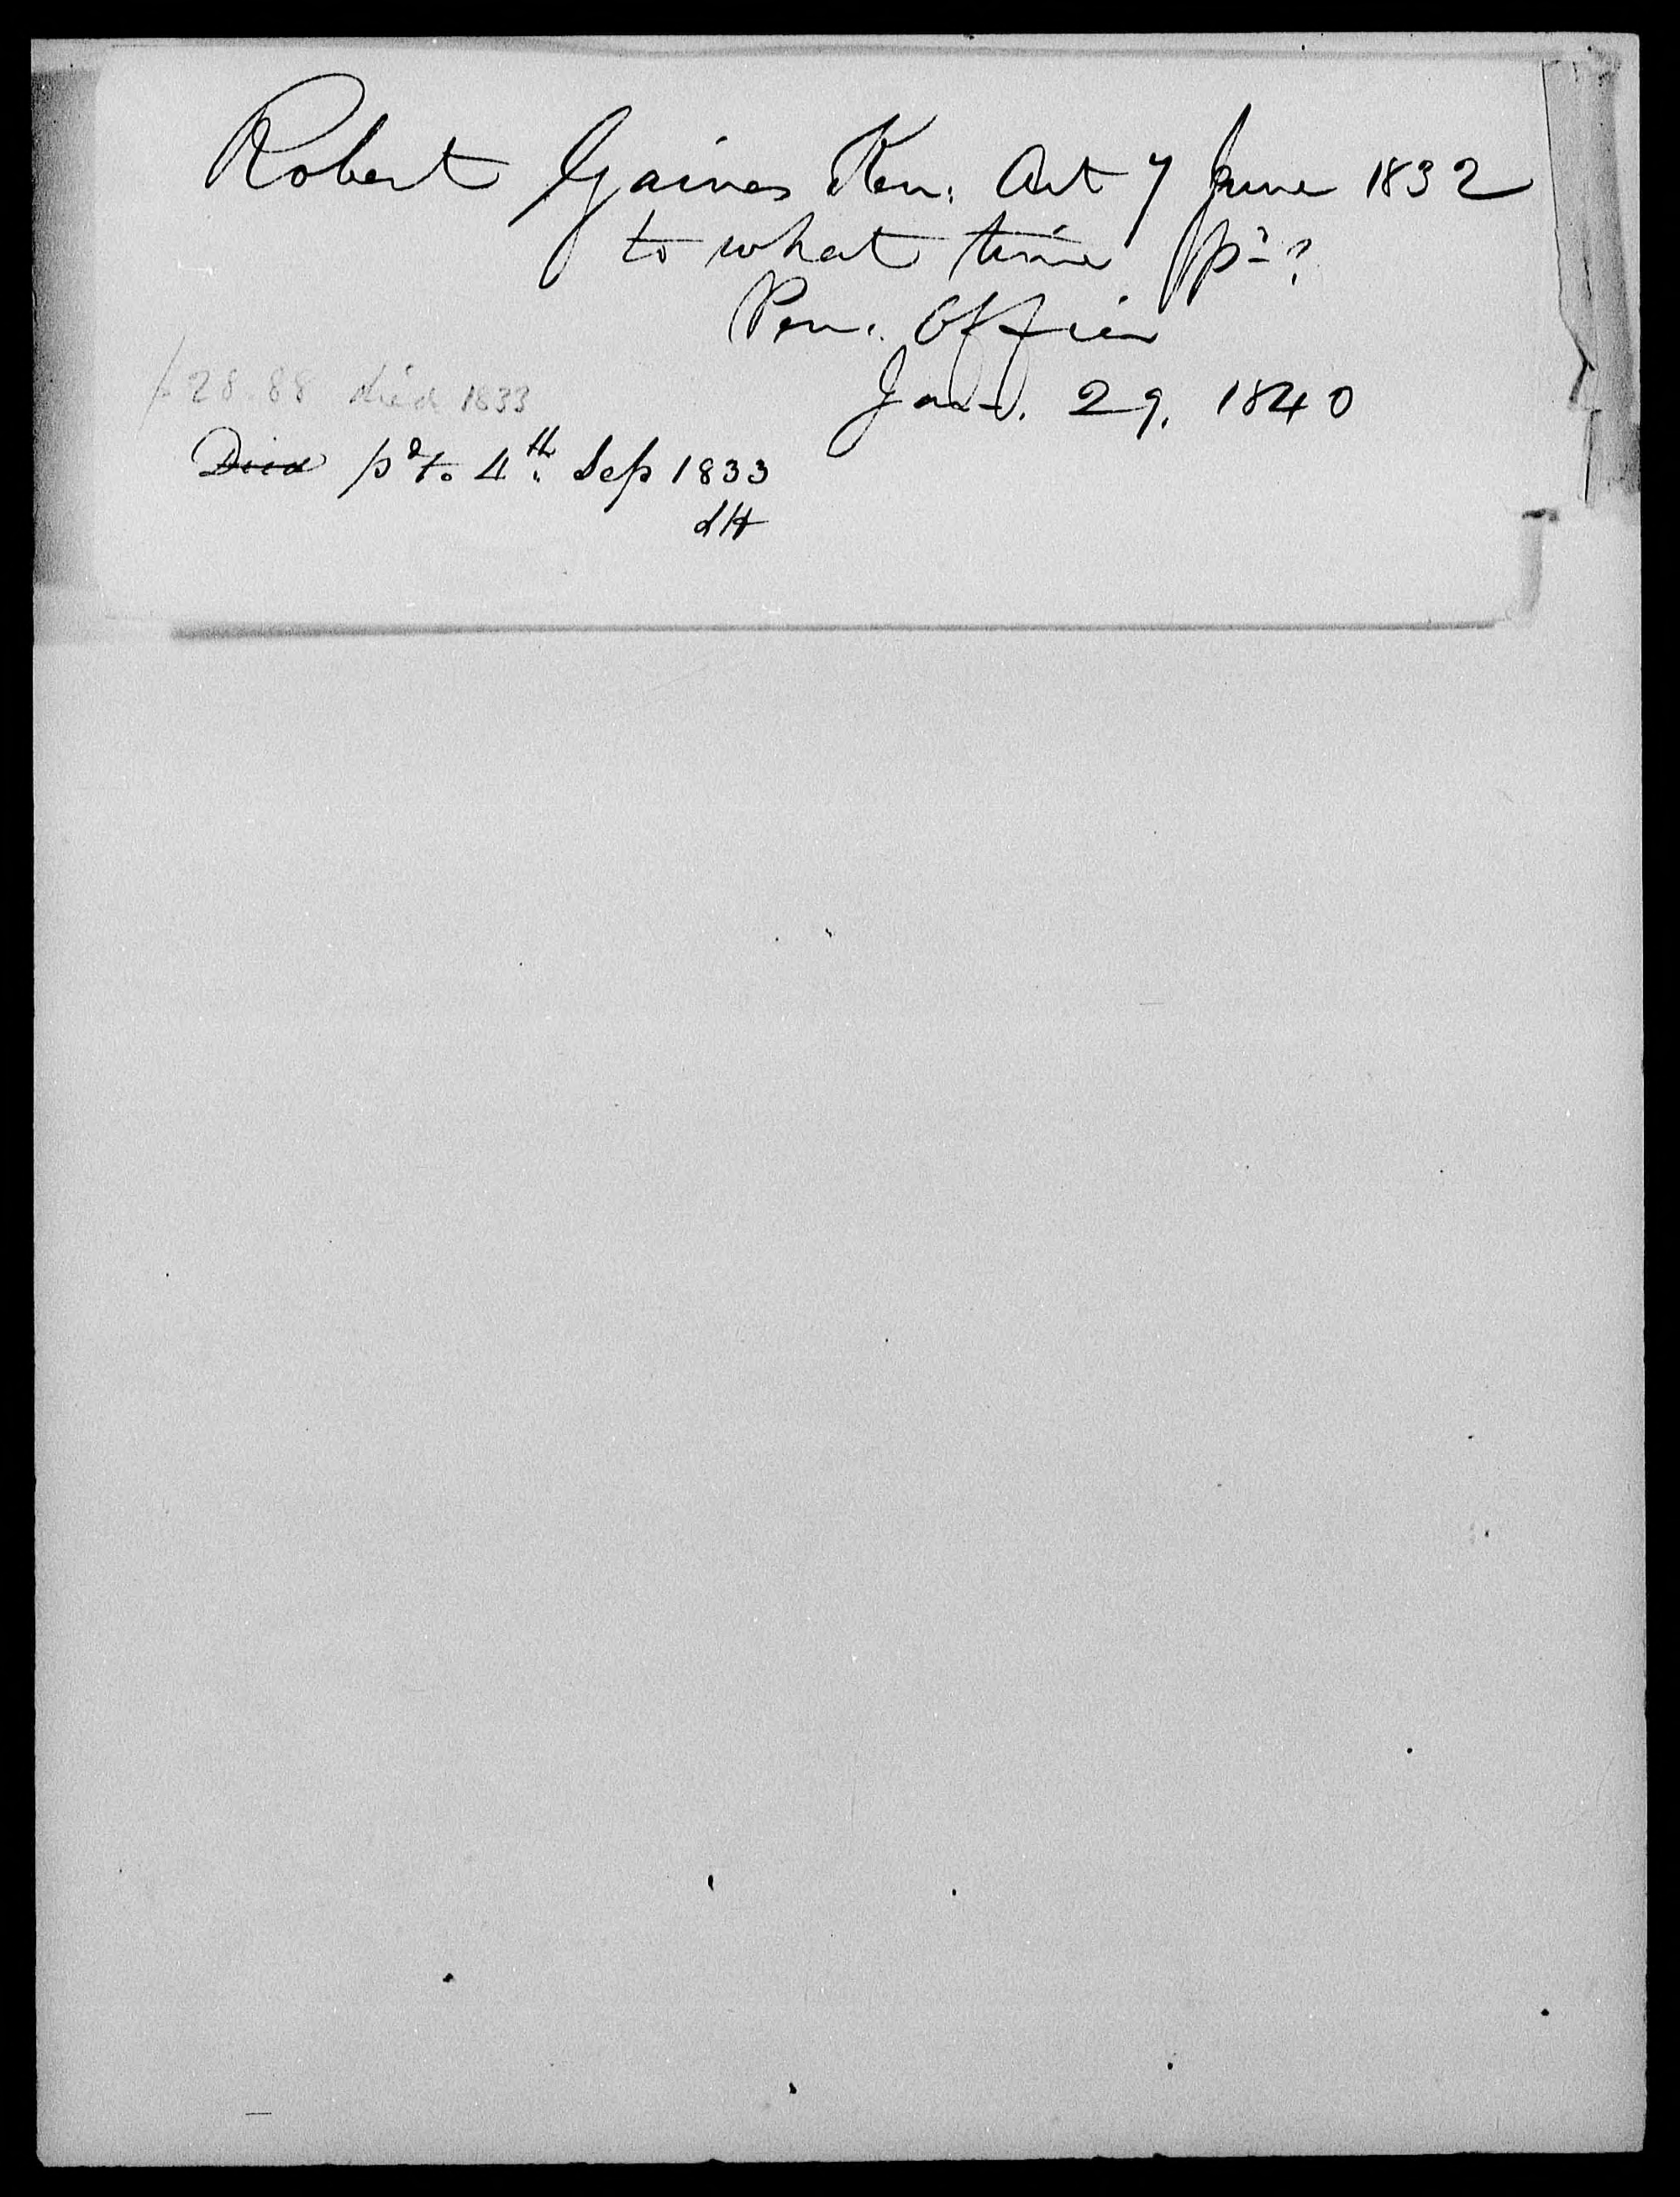Robert Gaines Ken: Act 7 June 1832
to what time p'd-?
Pen. Office
Jan. 29, 1840
$28.88 died 1833
[crossed out] Died [/crossed out]
P'd to 4th Sep 1833
LH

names: Robert Gaines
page: 62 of 79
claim: rejected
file: R. 3863, Robert Gaines, Va.